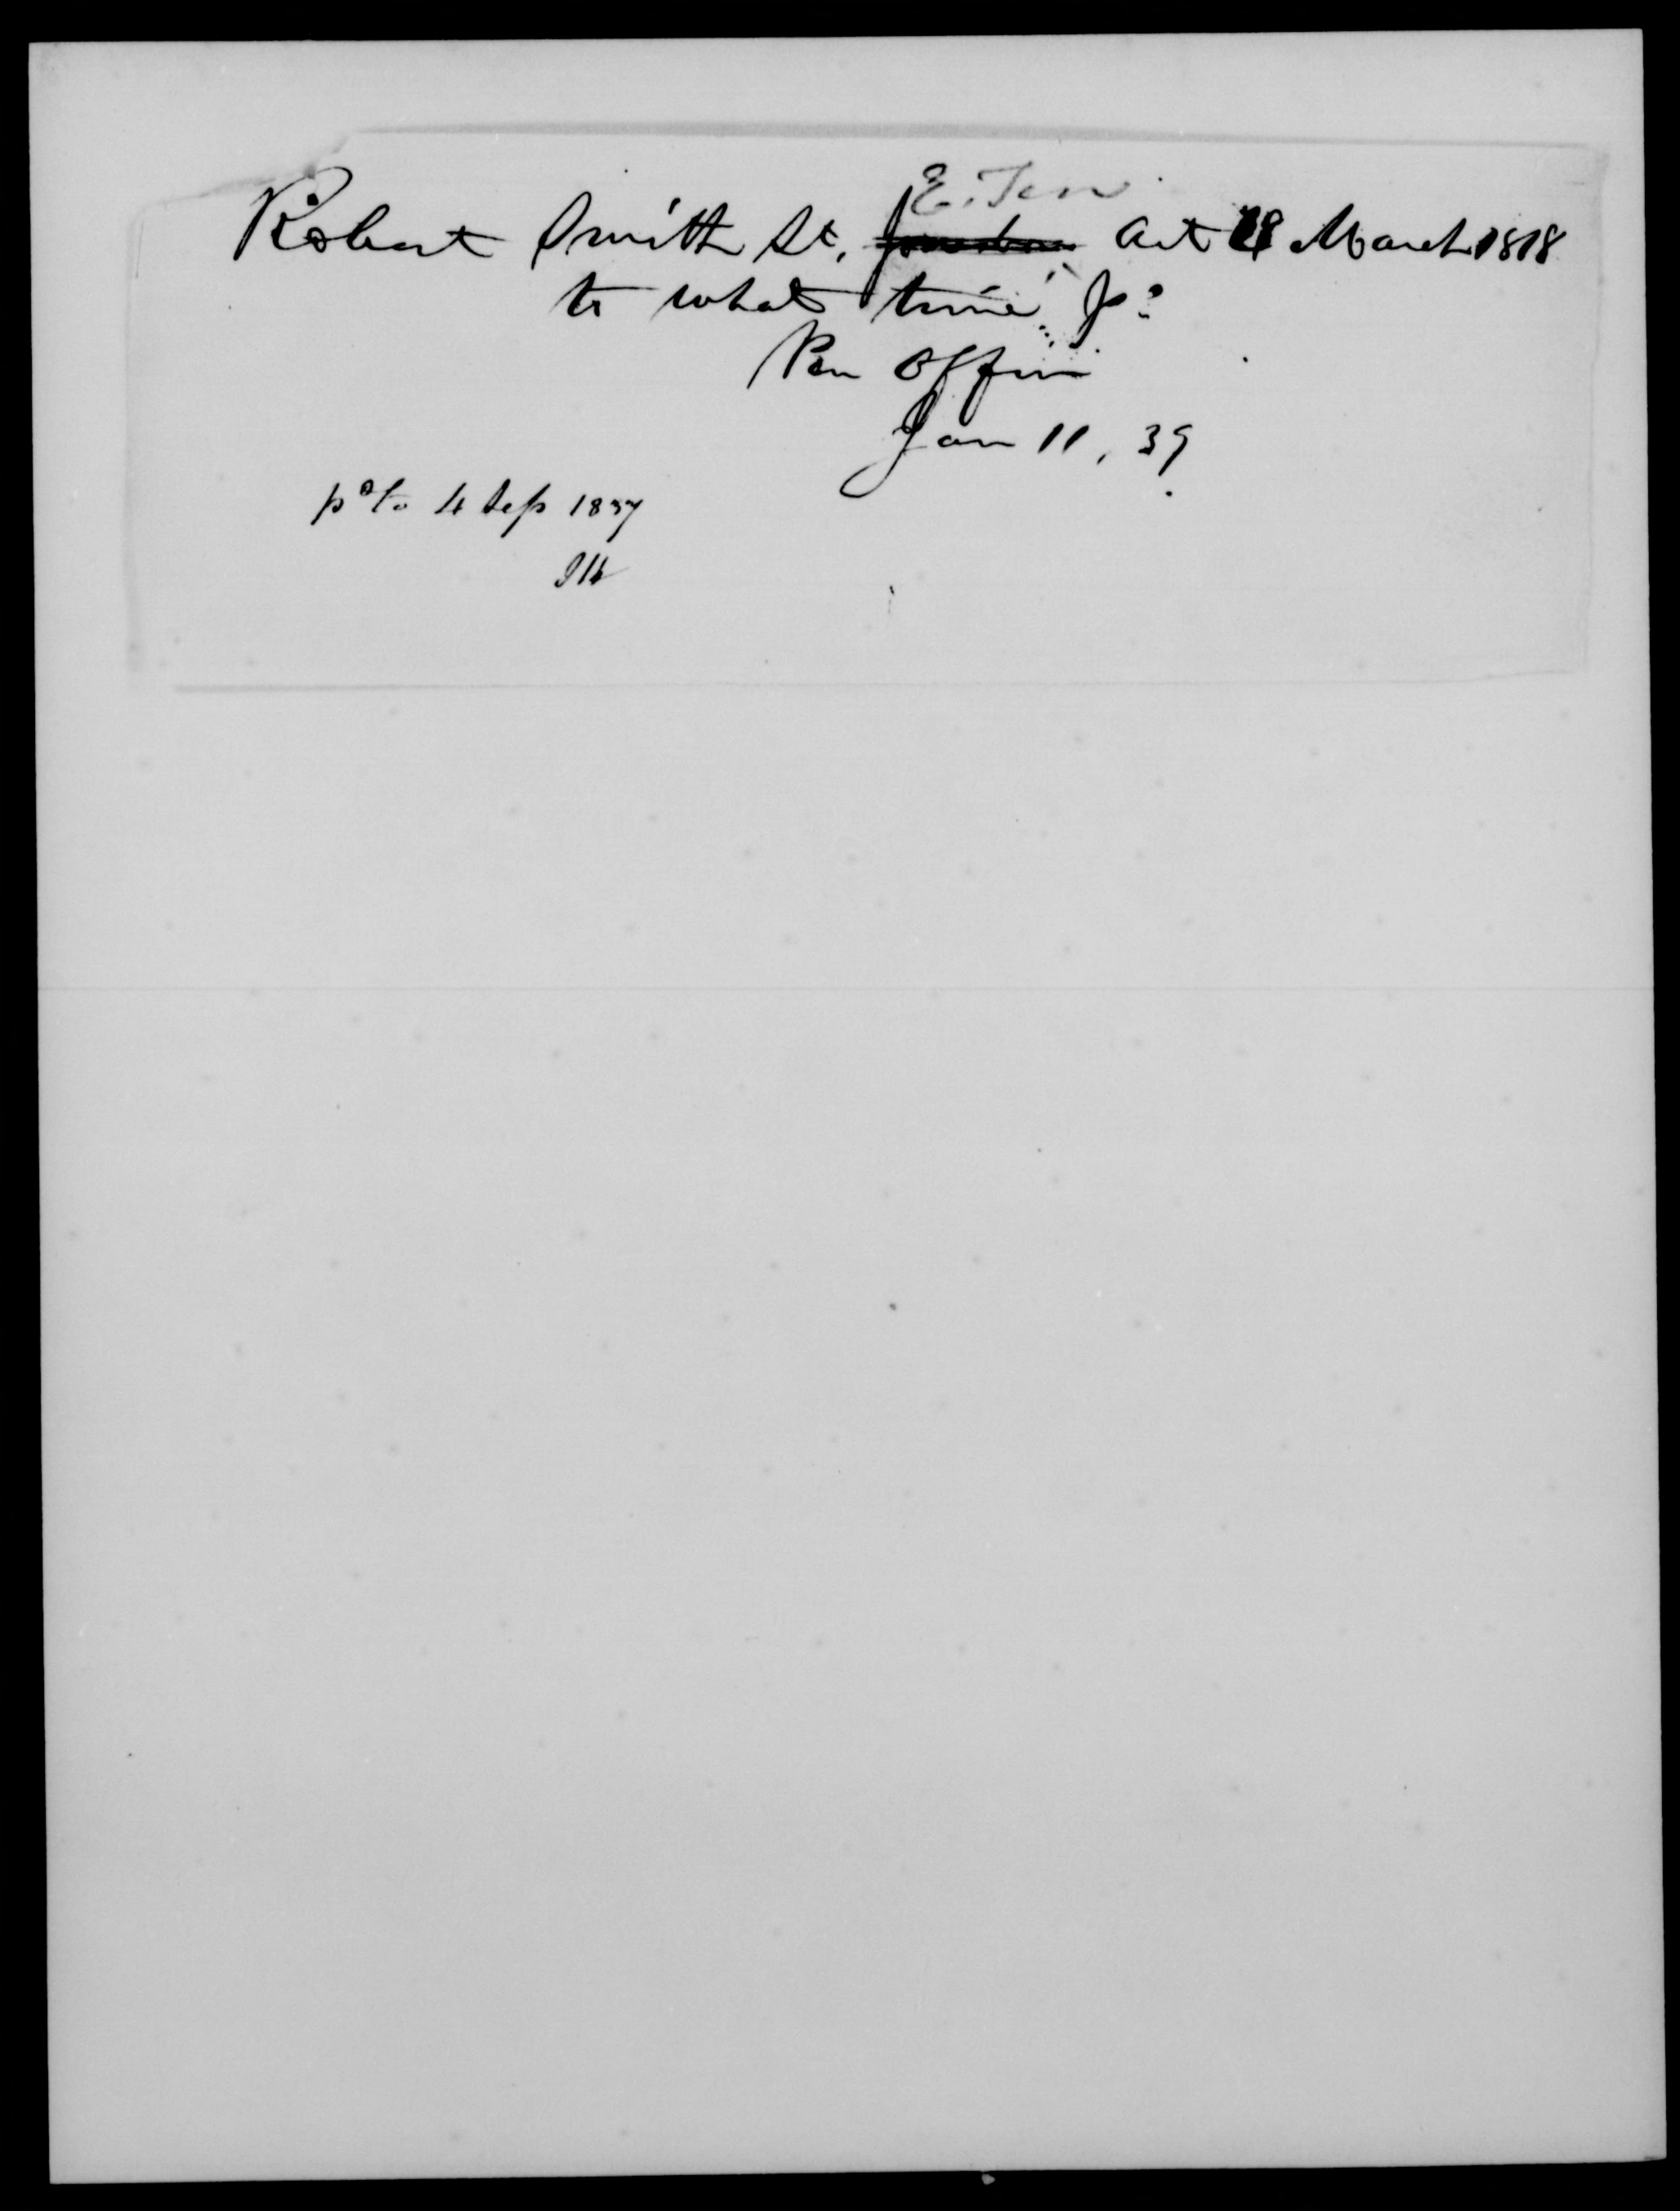Robert Smith St. E. Ten Act 7 March 1818 to what time Is?
Pen office
Jan 11, 39

pd to 4 Sep 1837
JIb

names: Robert Smith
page: 76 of 79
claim: widow's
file: W. 1504, for Robert Smith, North Carolina